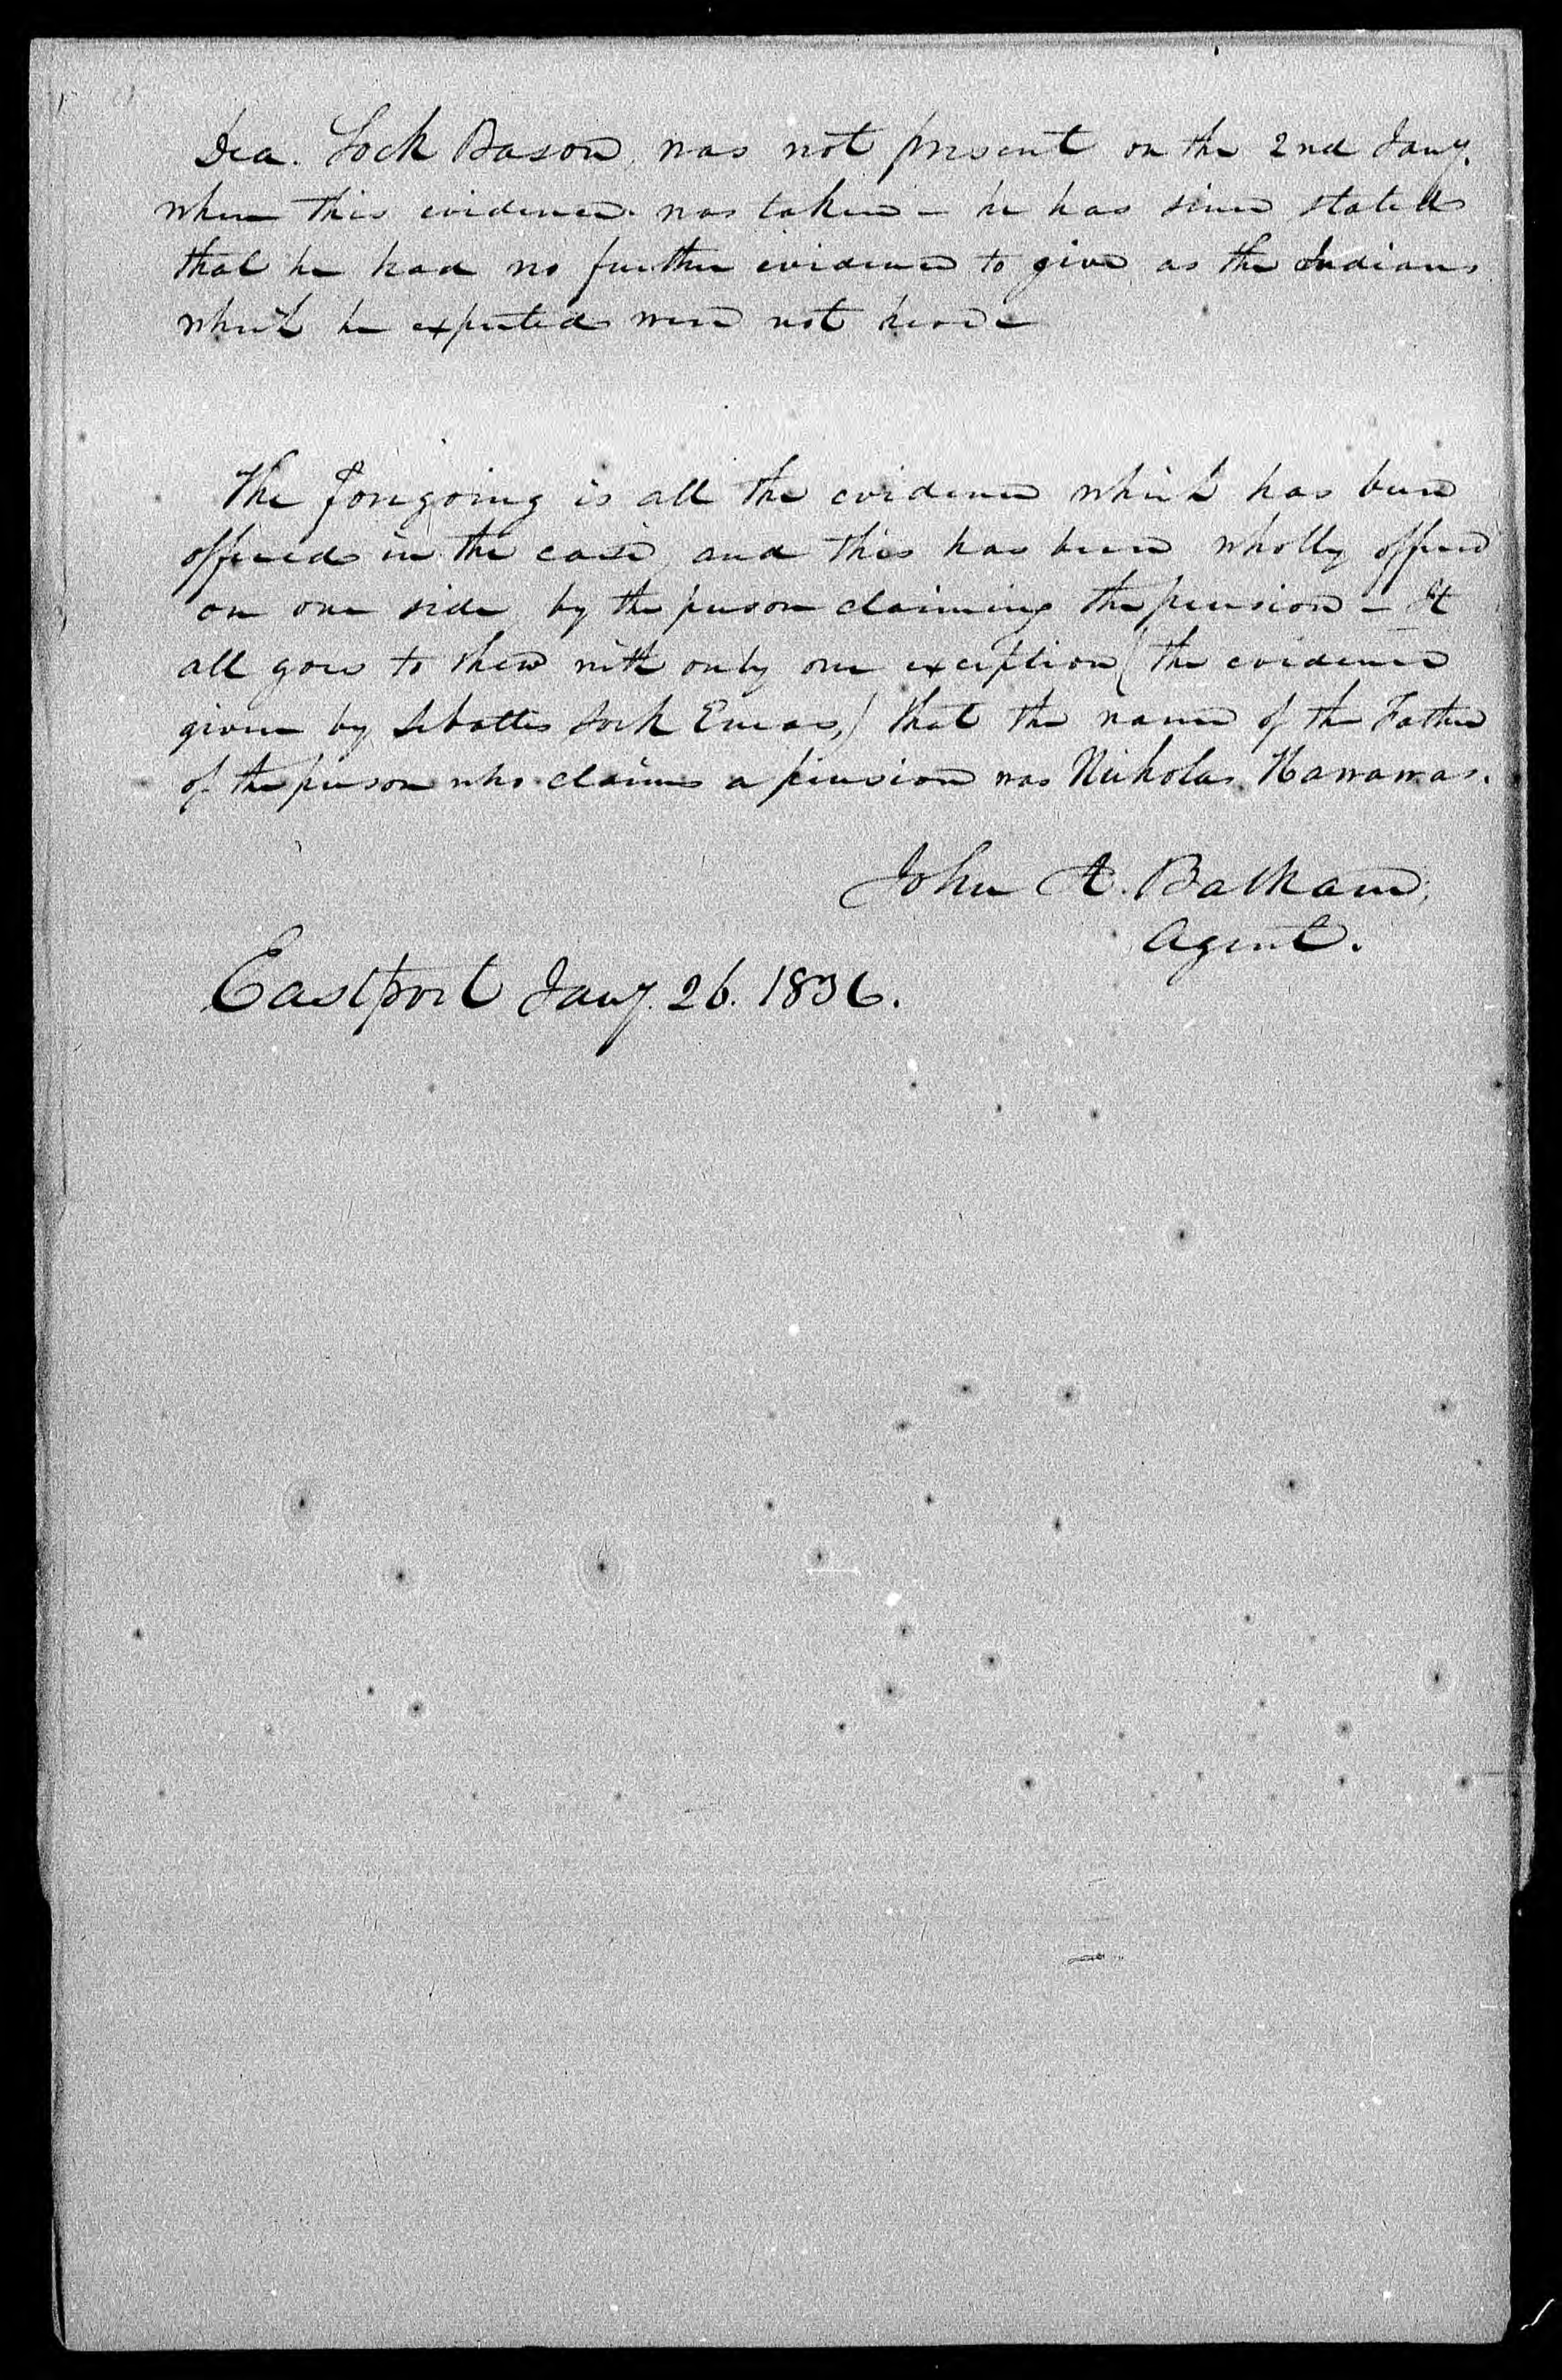[?] Sock Bason was not present on the 2nd day when this evidence was taken - he has since stated that he had no further evidence to give as the Indians which he expected were not here -

The foregoing is all the evidence which has been offered in the case and this has been wholly offered on one side by the person claiming the pension - it all goes to [?] with only one exception (the evidence given by Sebattis Sock Emos,) that the name of the Father of the person who claims a pension was Nicholas Hawawas.

John A. Balkam
Agent.
Eastport Jany. 26. 1836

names: Nicholas Hawawas, Sebattis Sock Emos, Sock Bason, John A Balkam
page: 15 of 52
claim: survivor's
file: S 17997, Nicholas Hawwawas, Mass.